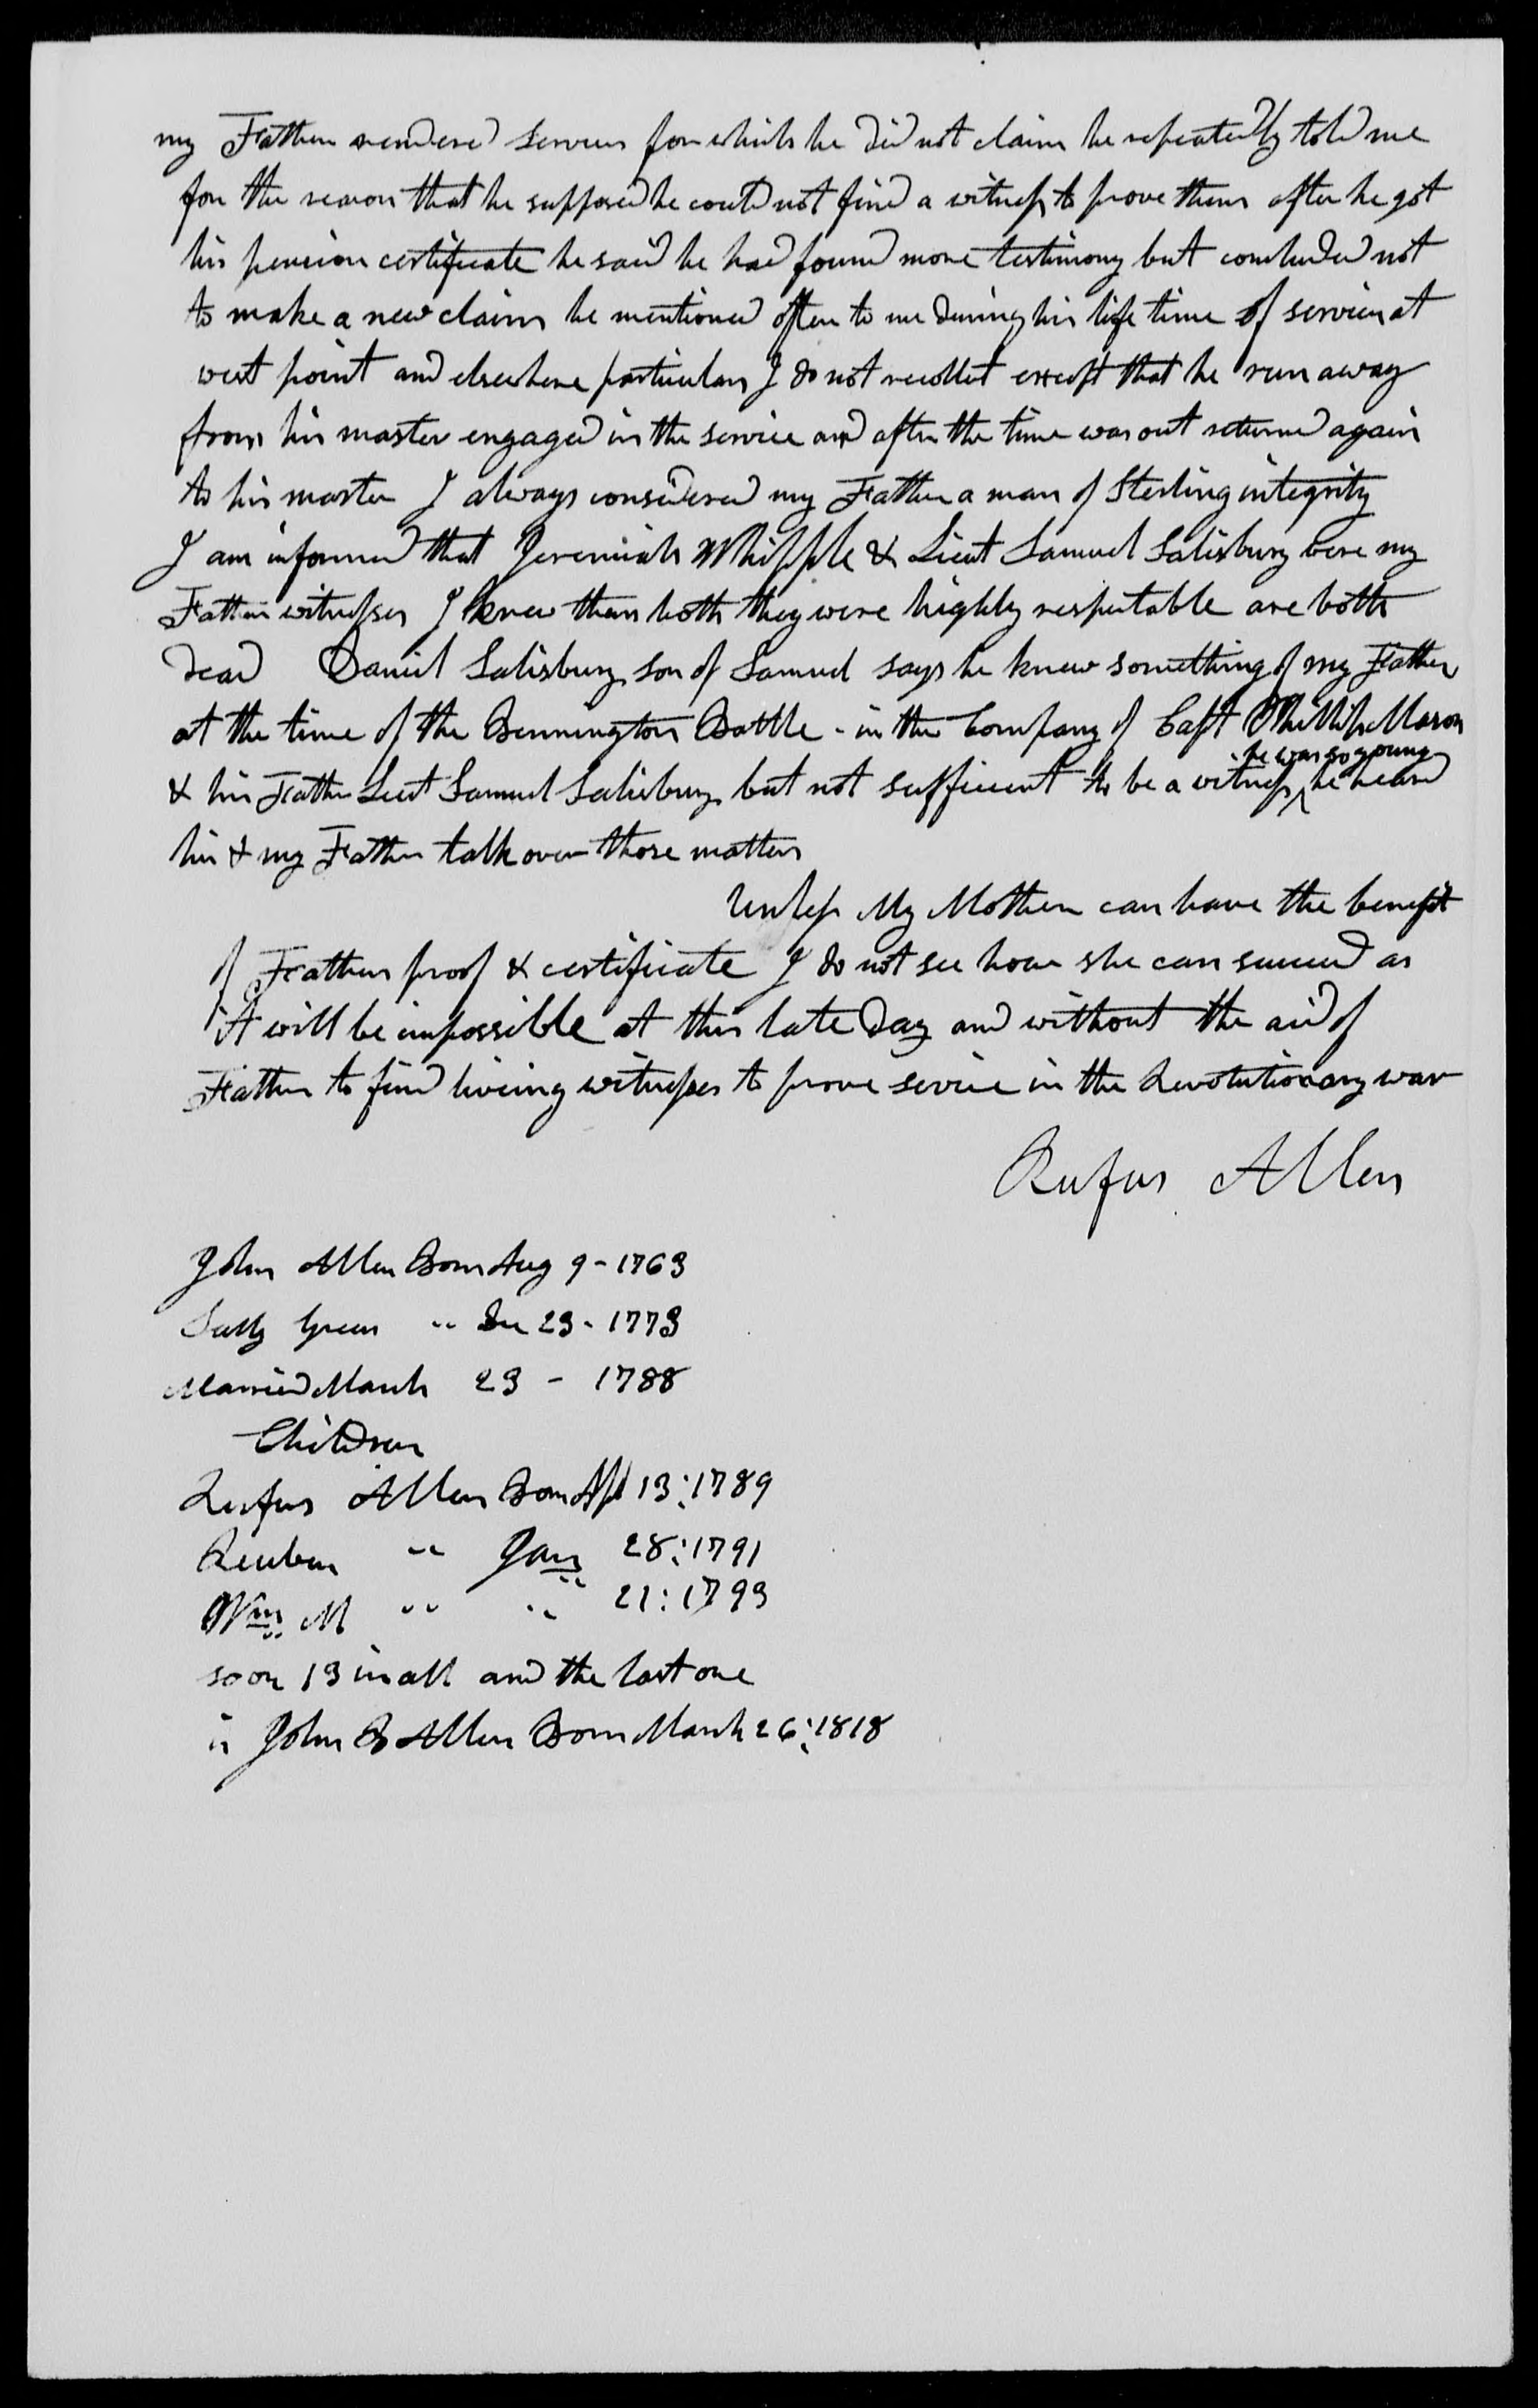my Father rendered services for which he did not claim he repeatedly told me for the reason that he supposed he could not find a witness to prove them after he got his pension certificate he said he had found more testimony but contended not to make a new claim he mentioned often to me during his life time of service at west point and elsewhere particulars I do not recollect except that he ran away from his master engaged in the service and after the time was out returned again to his master I always considered my Father a man of sterling integrity I am informed that Jeremiah Whipple & Lieut Samuel Salisbury were my Father witnesses I knew them both they were highly respectable are both dead Daniel Salisbury Son of Samuel says he knew something of my Father at the time of the Bennington Battle in the Company of Capt Philip Mason & his Father Lieut Samuel Salisbury but not sufficient to be a witness ^ he was so young [written above] he heard his & my Father talk over those matters
Unless my Mother can have the benefit of Fathers proof & certificate I do not see how she can succeed as it will be impossible at this late day and without the aid of Father to find living witnesses to prove service in the Revolutionary war 
Rufus Allen 

John Allen Born Aug 9-- 1763 
Sally Green " [illegible] 23 1773 
Married March 23 - 1788 
Children 
Rufus Allen Born  Apl 13:1789 
Reuben “  Jan 28, 1791
Wm M  “  “  “ 21:1793 
So on 13 in all and the last one is John J Allen Born March 26: 1818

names: Sally Green, Jeremiah Whipple, Rufus Allen, John Allen, Samuel Salisbury, Rufus Allen, Daniel Salisbury, Wm M Allen, John B Allen, Samuel, Reuben Allen, Phillip Mason, Samuel Salisbury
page: 44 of 74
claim: widow's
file: W. 23424, John Allen, Mass. R. I.